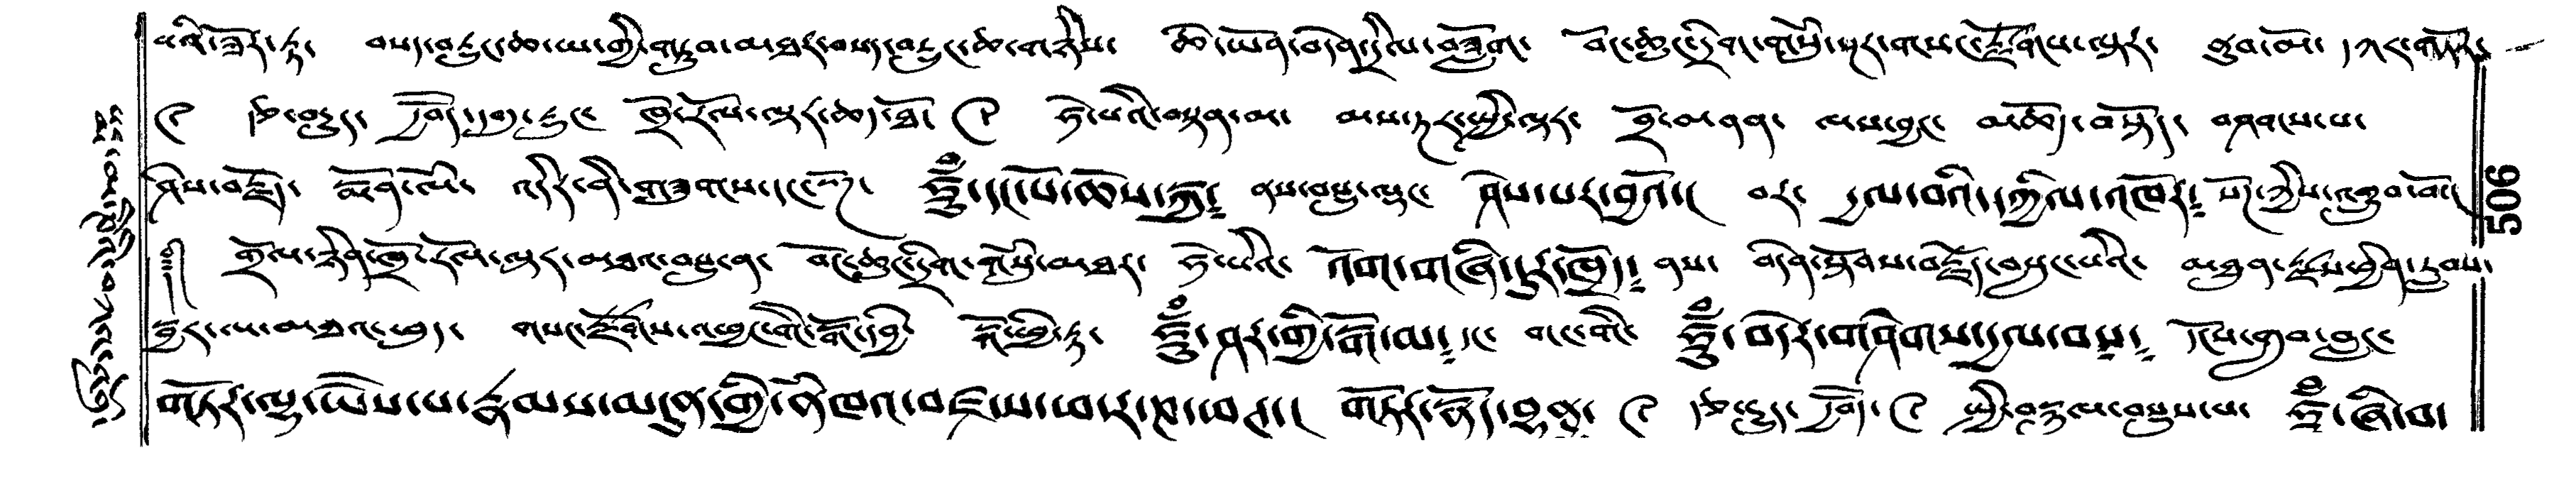པའི་ཟོར་རྟ། བསད་བརྡུང་ཆ་ཡ་གྱི་གཏུབ་མཐར་བསད་བརྡུང་ཆ་གཉིས། ) ཆེ་ཡོན། བདེན། དྲིལ། བཟློག བོང་ཁྱུང་དྲེགས་གསུམ་སྔར་གསང་རྫོགས་ལྟར། ནུབ་མོ། དཀར་གཏོར། 
( དགུ ) རྩ་བརྒྱུད། ( རྒྱོབ་སོད་དགུ་རྡུང་། ) ཁྲོ་རོལ་ལྟར་ཆད་ཐོ་ ( དགུ ) ཧེ་པའི་བསྟན་མན་སྤྱི་ལྟར། བྲོ་མནན། ལས་བྱང་། མཆོད་བསྟོད། བཤགས་པ་། 
ཤེས་བརྗོད། སྨོན་ལམ། འདིར་ནི་གཟུགས་དང༴ སོགས། ཧཱུྃ༔དང་པོ་ཆོས་སྐུ༴ ནས་བསྡུ་ལྡང་། ཤེས་པར་བྱའོ༔ བར། རྒྱལ་བའི་དཀྱིལ་འཁོར༴ སོགས་ཀྱིས་གྲུབ་བོ། 
༈ གྲོལ་ཉིན་ཁྲོ་རོལ་ལྟར་མཐའ་བསྡུ་ན། བོང་ཁྱུང་དྲེགས་གསུམ་མཐར། ཧེ་པའི། འོག་གཞི་དུར་ཁྲོད༴ ནས། བདེན་སྟོབས་བརྗོད། མཐུན་རྫས་བྱིན་རླབས་
སྦྱར་ལ་མཐའ་ཕུད། གསང་རྫོགས་འཕྱང་གི་སྒོ་དབྱེ། ( སྒོ་ཕྱེ་རྟ། ) ཧཱུྃ༔ཤར་གྱི་སྒོ་མ༴ དང་། གོང་གི ཧཱུྃ༔བདེ་གཤེགས་རྒྱལ་བས༴ དངོས་གྲུབ་བླང་། 
གཏོར་ལྷ་ཡེ་ཤེས་པ་རྣམས་མདུན་གྱི་ནམ་མཁའ་བཛྲ་སྥ་ར་ཎ་ཕཊཿགཏོར་སྣོད་བྷནྡྷ༴ ( དགུ ) རྩ་རྒྱུད། ( རྒྱོབ་སོད་དགུ ) སྤྱི་བསྐུལ་བསྡུས་པ། ཧྲཱྃ༔ཞི་བ་